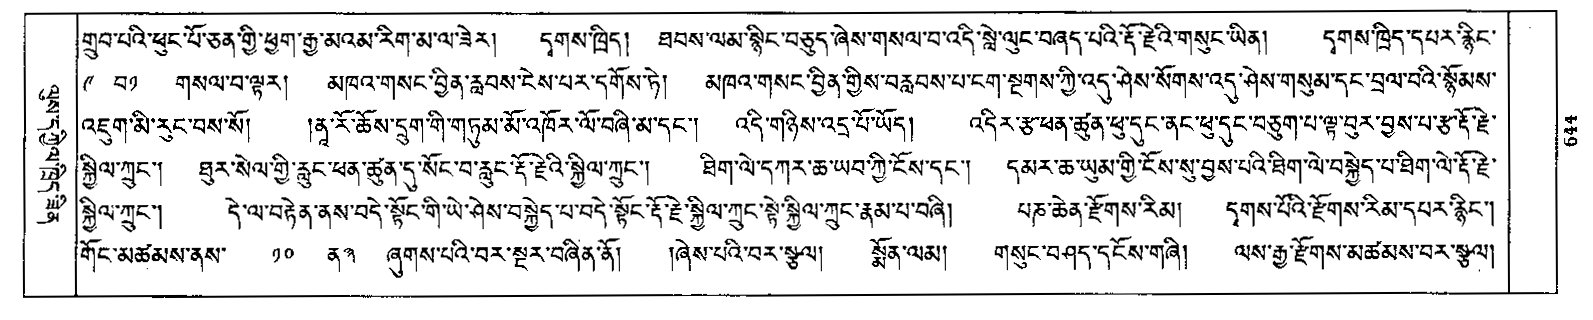གྲུབ་པའི་ཕུང་པོ་ཅན་གྱི་ཕྱག་རྒྱ་མའམ་རིག་མ་ལ་ཟེར། དྭགས་ཁྲིད། ཐབས་ལམ་སྙིང་བཅུད་ཞེས་གསལ་བ་འདི་སླེ་ལུང་བཞད་པའི་རྡོ་རྗེའི་གསུང་ཡིན། དྭགས་ཁྲིད་དཔར་རྙིང་
༩་བ ༡་གསལ་བ་ལྟར། མཁའ་གསང་བྱིན་རླབས་ངེས་པར་དགོས་ཏེ། མཁའ་གསང་བྱིན་གྱིས་བརླབས་པ་ངག་སྔགས་ཀྱི་འདུ་ཤེས་སོགས་འདུ་ཤེས་གསུམ་དང་བྲལ་བའི་སྙོམས་
འཇུག་མི་རུང་བས་སོ། །ནཱ་རོ་ཆོས་དྲུག་གི་གཏུམ་མོ་འཁོར་ལོ་བཞི་མ་དང་། འདི་གཉིས་འདྲ་པོ་ཡོད། འདིར་རྩ་ཕན་ཚུན་ཕུ་དུང་ནང་ཕུ་དུང་བཅུག་པ་ལྟ་བུར་བྱས་པ་རྩ་རྡོ་རྗེ་
སྐྱིལ་ཀྲུང་། ཐུར་སེལ་གྱི་རླུང་ཕན་ཚུན་དུ་སོང་བ་རླུང་རྡོ་རྗེའི་སྐྱིལ་ཀྲུང་། ཐིག་ལེ་དཀར་ཆ་ཡབ་ཀྱི་ངོས་དང་། དམར་ཆ་ཡུམ་གྱི་ངོས་སུ་བྱས་པའི་ཐིག་ལེ་བསྐྱེད་པ་ཐིག་ལེ་རྡོ་རྗེ་
སྐྱིལ་ཀྲུང་། དེ་ལ་བརྟེན་ནས་བདེ་སྟོང་གི་ཡེ་ཤེས་བསྐྱེད་པ་བདེ་སྟོང་རྡོ་རྗེ་སྐྱིལ་ཀྲུང་སྟེ་སྐྱིལ་ཀྲུང་རྣམ་པ་བཞི། པཎ་ཆེན་རྫོགས་རིམ། དྭགས་པོའི་རྫོགས་རིམ་དཔར་རྙིང་།
གོང་མཚམས་ནས ༡༠་ན ༣་ཞུགས་པའི་བར་སྔར་བཞིན་ནོ། །ཞེས་པའི་བར་སྩལ། སྨོན་ལམ། གསུང་བཤད་དངོས་གཞི། ལས་རྒྱ་རྫོགས་མཚམས་བར་སྩལ།